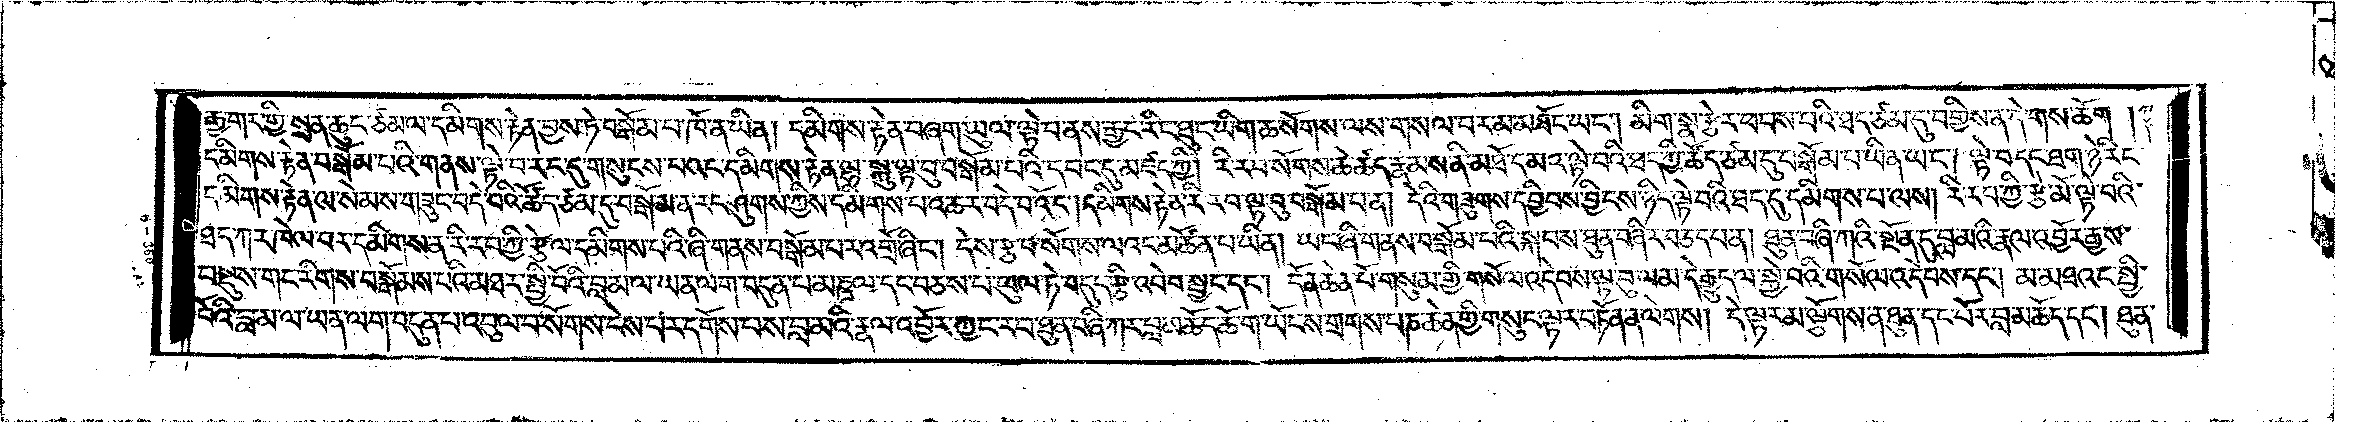རྒྱ་གར་གྱི་སྲན་ཆུང་ཙམ་ལ་དམིགས་རྟེན་བྱས་ཏེ་བསྒོམ་པ་ཁོ་ན་ཡིན། དམིགས་རྟེན་བཞག་ཡུལ་ལྟེ་བ་ནས་རྒྱང་རིང་ཐུང་ཡིག་ཆ་སོགས་ལས་གསལ་པར་མ་མཐོང་ཡང་། མིག་སྣ་རྩེར་ཕབས་པའི་ཐད་ཙམ་དུ་བགྱིས་ན་དེ་གས་ཆོ་ག། །༈
དམིགས་རྟེན་བསྒོམ་པའི་གནས་ལྟེ་བ་རང་དུ་གསུངས་པའང་དམིགས་རྟེན་ལྷ་སྐུ་ལྟ་བུ་བསྒོམ་པའི་དབང་དུ་མཛད་ཀྱི། རི་རབ་སོགས་ཆེ་ཚད་རྣམས་ནི་མཐོ་དམའ་ལྟེ་བའི་ཐད་ཀྱི་ཚོད་ཙམ་དུ་བསྒོམ་པ་ཡིན་ཡང་། ལྟེ་བ་དང་ཐག་ཉེ་རིང་
དམིགས་རྟེན་ལ་སེམས་གཟུང་བདེ་བའི་ཚོད་ཙམ་དུ་བསྒོམ་ན་རང་ཤུགས་ཀྱིས་དམིགས་པ་འཆར་བདེ་བ་ལོང་།དམིགས་རྟེན་རི་རབ་ལྟ་བུ་བསྒོམ་པ་ན། དེའི་གཟུགས་དབྱིབས་བྱིངས་ཉིད་ལྟེ་བའི་ཐད་དུ་དམིགས་པ་ལས། རི་རབ་ཀྱི་རྩེ་མོ་ལྟེ་བའི་
ཐད་ཀར་ཁེལ་པར་དམིགས་ན་རི་རབ་ཀྱི་རྩེལ་དམིགས་པའི་ཞི་གནས་བསྒོམ་པར་འགྲོ་ཞིང་། དེས་རྩ་བ་སོགས་ལའང་མཚོན་པ་ཡིན། ཡང་ཞི་གནས་བསྒོམ་པའི་སྐབས་ཐུན་བཞིར་བཅད་པ་ན། ཐུན་བཞི་ཀའི་སྔོན་དུ་བླ་མའི་རྣལ་འབྱོར་རྒྱས་
བསྡུས་གང་རིགས་བསྒོམས་པའི་མཐར་སྤྱི་བོའི་བླ་མ་ལ་ཡན་ལག་བདུན་པ་མཎྜལ་དང་བཅས་པ་ཕུལ་ཏེ་བདུད་རྩི་འབེབ་སྦྱང་དང་། དོན་ཆེན་པོ་གསུམ་གྱི་གསོལ་འདེབས་ལྟ་བུ་ལམ་དེ་རྒྱུད་ལ་སྐྱེ་བའི་གསོལ་འདེབས་དང་། མ་མཐའང་སྤྱི་
བོའི་བླ་མ་ལ་ཡན་ལག་བདུན་པ་འབུལ་བ་སོགས་ངེས་པར་དགོས་པས་བླ་མའི་རྣལ་འབྱོར་ཀྱང་རབ་ཐུན་བཞི་ཀར་བླ་མཆོད་ཆོ་ག་ཡོངས་གྲགས་པཎ་ཆེན་གྱི་གསུང་ལྟར་བཏོན་ན་ལེགས། དེ་ལྟར་མ་ལྕོགས་ན་ཐུན་དང་པོར་བླ་མཆོད་དང་། ཐུ་